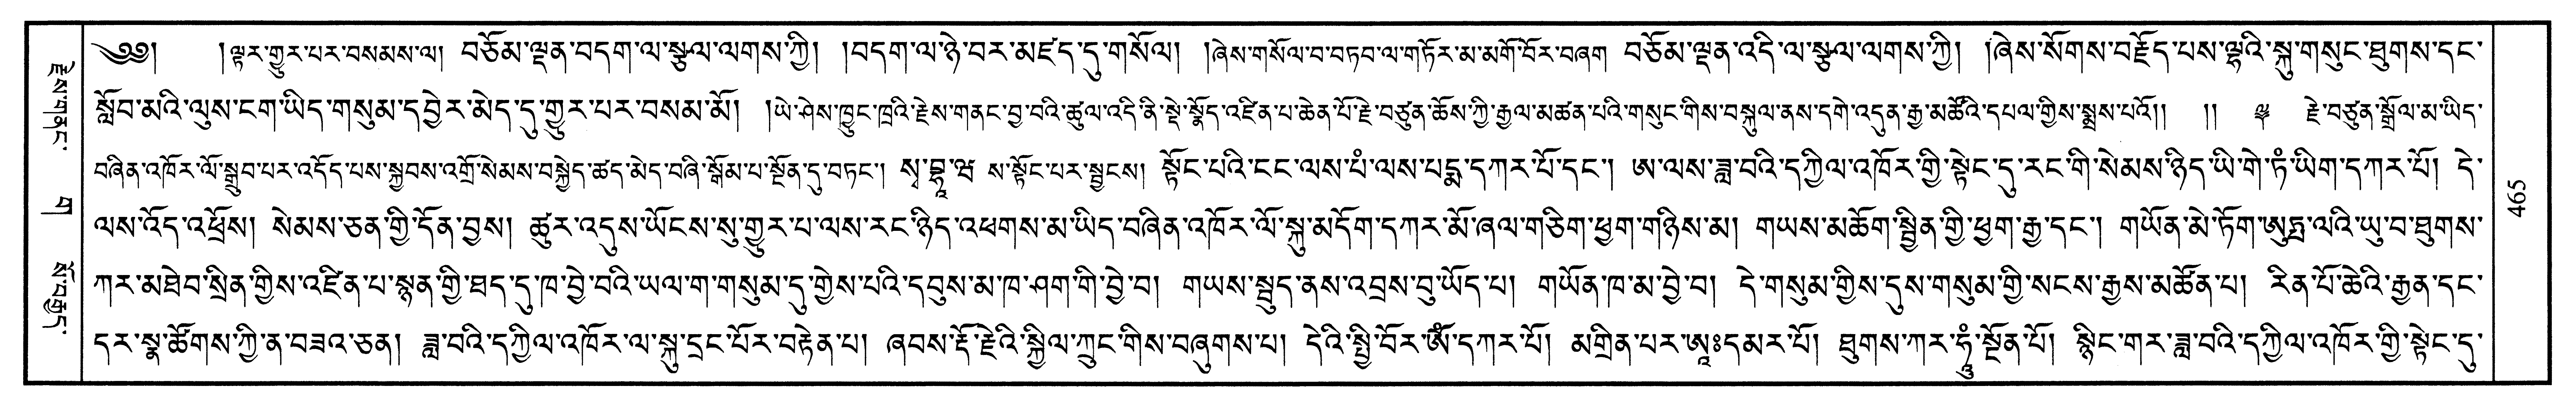༄༅། །ལྟར་གྱུར་པར་བསམས་ལ། བཅོམ་ལྡན་བདག་ལ་སྩལ་ལགས་ཀྱི། །བདག་ལ་ཉེ་བར་མཛད་དུ་གསོལ། །ཞེས་གསོལ་བ་བཏབ་ལ་གཏོར་མ་མགོ་བོར་བཞག །བཅོམ་ལྡན་འདི་ལ་སྩལ་ལགས་ཀྱི། །ཞེས་སོགས་བརྗོད་པས་ལྷའི་སྐུ་གསུང་ཐུགས་དང་
སློབ་མའི་ལུས་ངག་ཡིད་གསུམ་དབྱེར་མེད་དུ་གྱུར་པར་བསམ་མོ། །ཡེ་ཤེས་ཁྱུང་ཁྲའི་རྗེས་གནང་བྱ་བའི་ཚུལ་འདི་ནི་སྡེ་སྣོད་འཛིན་པ་ཆེན་པོ་རྗེ་བཙུན་ཆོས་ཀྱི་རྒྱལ་མཚན་པའི་གསུང་གིས་བསྐུལ་ནས་དགེ་འདུན་རྒྱ་མཚོའི་དཔལ་གྱིས་སྨྲས་པའོ།། །། ༈ རྗེ་བཙུན་སྒྲོལ་མ་ཡིད་
བཞིན་འཁོར་ལོ་སྒྲུབ་པར་འདོད་པས་སྐྱབས་འགྲོ་སེམས་བསྐྱེད་ཚད་མེད་བཞི་སྒོམ་པ་སྔོན་དུ་བཏང་། སྭ་བྷཱ་ཝ་ས་སྟོང་པར་སྦྱངས། སྟོང་པའི་ངང་ལས་པཾ་ལས་པདམ་དཀར་པོ་དང་། ཨ་ལས་ཟླ་བའི་དཀྱིལ་འཁོར་གྱི་སྟེང་དུ་རང་གི་སེམས་ཉིད་ཡི་གེ་ཏཾ་ཡིག་དཀར་པོ། དེ་
ལས་འོད་འཕྲོས། སེམས་ཅན་གྱི་དོན་བྱས། ཚུར་འདུས་ཡོངས་སུ་གྱུར་པ་ལས་རང་ཉིད་འཕགས་མ་ཡིད་བཞིན་འཁོར་ལོ་སྐུ་མདོག་དཀར་མོ་ཞལ་གཅིག་ཕྱག་གཉིས་མ། གཡས་མཆོག་སྦྱིན་གྱི་ཕྱག་རྒྱ་དང་། གཡོན་མེ་ཏོག་ཨུཏྤ་ལའི་ཡུ་བ་ཐུགས་
ཀར་མཐེབ་སྲིན་གྱིས་འཛིན་པ་སྙན་གྱི་ཐད་དུ་ཁ་བྱེ་བའི་ཡལ་ག་གསུམ་དུ་གྱེས་པའི་དབུས་མ་ཁ་ཤག་གི་བྱེ་བ། གཡས་སྦུད་ནས་འབྲས་བུ་ཡོད་པ། གཡོན་ཁ་མ་བྱེ་བ། དེ་གསུམ་གྱིས་དུས་གསུམ་གྱི་སངས་རྒྱས་མཚོན་པ། རིན་པོ་ཆེའི་རྒྱན་དང་
དར་སྣ་ཚོགས་ཀྱི་ན་བཟའ་ཅན། ཟླ་བའི་དཀྱིལ་འཁོར་ལ་སྐུ་དྲང་པོར་བརྟེན་པ། ཞབས་རྡོ་རྗེའི་སྐྱིལ་ཀྲུང་གིས་བཞུགས་པ། དེའི་སྤྱི་བོར་ཨོཾ་དཀར་པོ། མགྲིན་པར་ཨཱཿ དམར་པོ། ཐུགས་ཀར་ཧཱུཾ་སྔོན་པོ། སྙིང་གར་ཟླ་བའི་དཀྱིལ་འཁོར་གྱི་སྟེང་དུ་